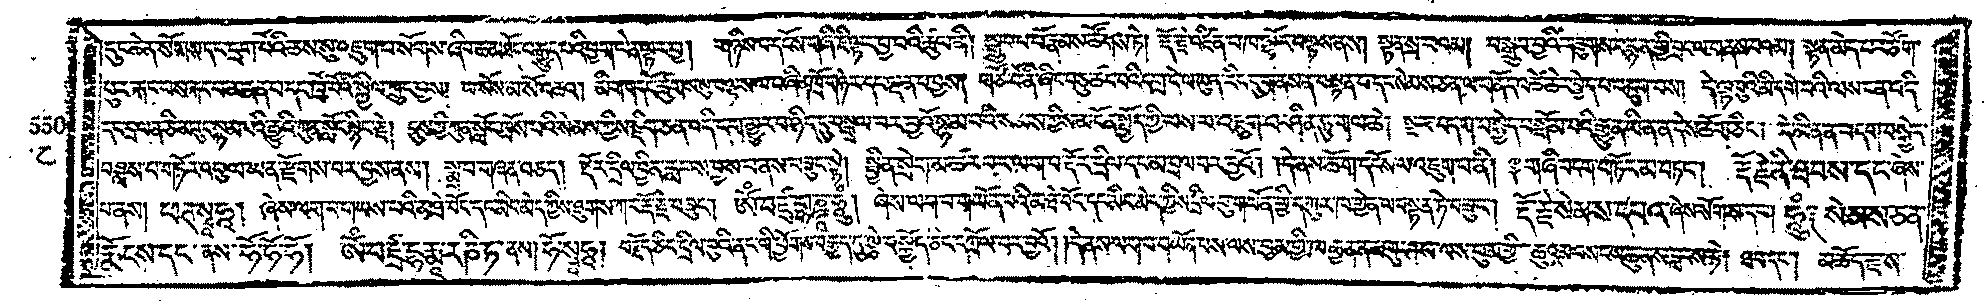དུང་ཆེན་སོགས་དང་དྲག་པོའི་ཆས་སུ་འཇུག་པ་སོགས་ཞིབ་ཆ་མཐོང་བརྒྱུད་པའི་ཕྱག་ལེན་ལྟར་བྱ། གཉིས་པ་དངོས་གཞི་ཇི་ལྟར་བྱ་བའི་ཚུལ་ནི། སྒྲུབ་པ་པོ་རྣམས་ཚོགས་ཏེ། རྡོ་རྗེ་འཛིན་པ་ཁ་ལྷོར་བལྟས་ནས། སྟན་སྲ་བའམ། བསྒྲུབ་བྱའི་གཟུགས་བརྙན་གྱི་བྲང་ལ་གནས་པའམ། སྟན་མེད་པར་ཙོག་
པུར་རྐང་པས་རྐང་པ་མནན་པ་དང་ཁྲོ་བོའི་སྐྱིལ་ཀྲུང་བྱས། ཡ་སོས་མ་སོ་འཆའ། མིག་གདོང་ཚུགས་སུ་བལྟས་ལ་བཞིན་ཁྲོ་གཉེར་དང་ལྡན་པ་བྱས། གཙོ་བོ་ནི་ཞིང་བཅུ་ཚང་བའི་དགྲ་དེ་ལ་ཡུན་རིང་དུ་གནས་ན་བསྟན་པ་དང་སེམས་ཅན་ལ་གནོད་འཚེ་ཆེར་བྱེད་པ་འདུག་པས། དེ་ལྟ་བུའི་མི་དགེ་བའི་ལས་ངན་འདི་
དང་བྲལ་ན་ཅི་མ་རུང་སྙམ་པའི་རྒྱུའི་ཀུན་སློང་སྙིང་རྗེ། དུས་ཀྱི་ཀུན་སློང་ཁྲོས་པའི་སེམས་ཀྱིས་སྡིག་ཅན་འདི་དག་མྱུར་བ་ཉིད་དུ་བསྒྲལ་བར་བྱའོ་སྙམ་པའི་སམས་ཀྱིས་མངོན་སྤྱོད་ཀྱི་ལས་ལ་འཇུག་པ་ཤིན་ཏུ་གལ་ཆེ། སྔར་བདག་བསྐྱེད་བསྒོམ་པའི་རྒྱུན་ཡིན་ན་དེས་ཆོག་ཆིང་། དེ་མིན་ན་བདག་བསྐྱེད་
བཟླས་པ་གཏོར་འབུལ་ཡན་རྫོགས་པར་བྱས་ནས། སྨྲ་བ་གཞན་བཅད། རྡོར་དྲིལ་བྱིན་རླབས་བྱས་པ་ནས་བཟུང་སྟེ། སྦྱིན་སྲེག་མ་ཚར་བར་ལག་པ་རྡོར་དྲིལ་དང་མ་བྲལ་བར་བྱའོ། །དེ་ནས་ཆོ་ག་དངོས་ལ་འཇུག་པ་ནི། འ་གཞི་བདག་གཏོར་མ་བཏང་། རྡོ་རྗེ་ནི་ཐབས་དང་ཞེས་
པ་ནས། ཕཊ་སྭཱཧཱ། ཞེས་ལག་པ་གཡས་པའི་མཐེ་བོང་དང་མིང་མེད་ཀྱིས་ཐུགས་ཀར་རྡོ་རྗེ་བཟུང་།  ཨོཾ་བཛྲ་གྷཎྜཱ་ཧཱུཾ། ཞེས་ལག་པ་གཡོན་པའི་མཐེ་བོང་དང་མིང་མེད་ཀྱིས་དྲིལ་བུ་གཡོན་གྱི་དཀུར་ཁ་གྱེན་ལ་བསྟན་ཏེ་བཟུང་།  རྡོ་རྗེ་སེམས་དཔའ་ཞེས་སོགས་དང་།  ཧཱུཾ༑ སེམས་ཅན་
རྨོངས་དང་ནས་ཧོ་ཧོ་ཧོ། ཨོཾ་བཛྲ་དྷ་རྨཱ་ར་ཎི་ཏ་ནས།  ཧོ་སྭཱཧཱ། བརྗོད་ཅིང་དྲིལ་བུའི་ནང་གི་ཕྱོགས་བརྒྱད་དུ་ལྕེ་བསྐྱོད་ཅིང་དཀྲོལ་བར་བྱའོ། །དེ་ནས་ལག་པ་གཡོན་པས་ལས་བུམ་གྱི་ཁ་རྒྱན་ནས་གུ་ཤས་ལས་བུམ་གྱི་ཆུའམ་བསངས་ཆུ་ནས་བླངས་ཏེ། ཐབ་དང་། མཆོད་རྫས་་་